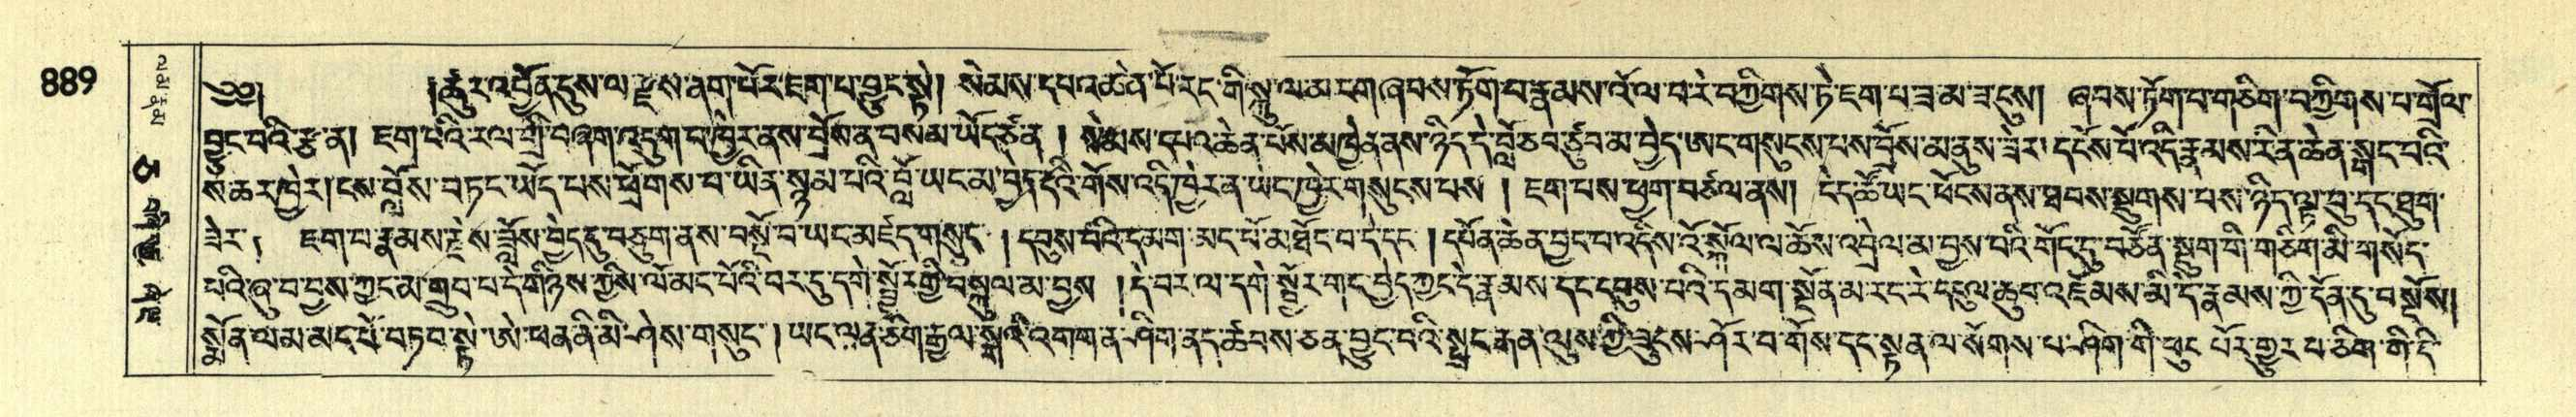༄༅། །ཚུར་འབྱོན་དུས་ལ་རྫས་ནག་པོར་ཇག་པ་བྱུང་སྟེ། སེམས་དཔའ་ཆེན་པོ་རང་གི་སྐུ་ལ་མ་ངག་ཞབས་ཏོག་བ་རྣམས་འོ་ལ་བ་རེ་བཀྱིགས་ཏེ་ཇག་པ་ཟ་མ་ཟ་དུས། ཞབས་ཏོག་པ་གཅིག་བཀྱིགས་པ་གྲོལ་
བྱུང་བའི་རྩ་ན། ཇག་པའི་རལ་གྲི་བཞག་འདུག་པ་ཁྱེར་ནས་བྲོས་ན་བསམ་ཡོད་ཙ་ན། སེམས་དཔའ་ཆེན་པོས་མཁྱེན་ནས་ཉིད་དེ་བློ་ཅབ་ཙུབ་མ་བྱེད་ཨང་གསུངས་པས་བྲོས་མ་ནུས་ཟེར། དངོས་པོ་འདི་རྣམས་རིན་ཆེན་སྒང་པའི་
ས་ཆར་ཁྱེར། ངས་བློས་བཏང་ཡོད་པས་ཕྲོགས་པ་ཡིན་སྙམ་པའི་བློ་ཡང་མ་བྱེད་དའི་གོས་འདི་ཁྱེར་ན་ཡང་ཁྱེར་གསུངས་པས། ཇག་པས་ཕྱག་བཙལ་ནས། ངེད་ཚོ་ཡང་ཕོངས་ནས་ཐབས་སྡུགས་པས་ཉིད་ལྟ་བུ་དང་ཐུག་
ཟེར༑ ཇག་པ་རྣམས་རྗེས་ཟློས་བྱེད་དུ་བཅུག་ནས་བསྔོ་བ་ཡང་མཛད་གསུང་། དབུས་བའི་དམག་མང་པོ་མཐོང་བ་དེ་དང་།དཔོན་ཆེན་བྱང་བ་འདིས་འོ་སྐོལ་ལ་ཆོས་འབྲེལ་མ་བྱས་པའི་གོང་དུ་བཙོན་སྡུག་གི་གཅིག་མི་གསོད་
པའི་ཞུ་བ་བྱས་ཀྱང་མ་གྲུབ་པ་དེ་གཉིས་ཀྱིས་ལོ་མང་པོའི་བར་དུ་དགེ་སྦྱོར་གྱི་བསྐུལ་མ་བྱས་།དེ་བར་ལ་དགེ་སྦྱོར་གང་བྱེད་ཀྱང་དེ་རྣམས་དང་དབུས་པའི་དམག་སྔོན་མ་རང་རེ་དངུལ་ཆུབ་འཇོམས་མི་དེ་རྣམས་ཀྱི་དོན་དུ་བསྔོས།
སྨོན་ལམ་མང་པོ་བཏབ་སྟེ་ཨེ་ཕན་ནི་མི་ཤེས་གསུང་། ཡང་ལན་ཅིག་རྒྱལ་སྒའི་འགག་ན་ཤིག་ནད་ཚབས་ཅན་བྱུང་བའི་སྤྲང་རྒན་ལུས་ཀྱི་ཟུངས་ཤོར་བ་གོས་དང་སྟན་ལ་སོགས་པ་ཤིག་གི་ཕུང་པོར་གྱུར་པ་ཅིག་གི་དི་